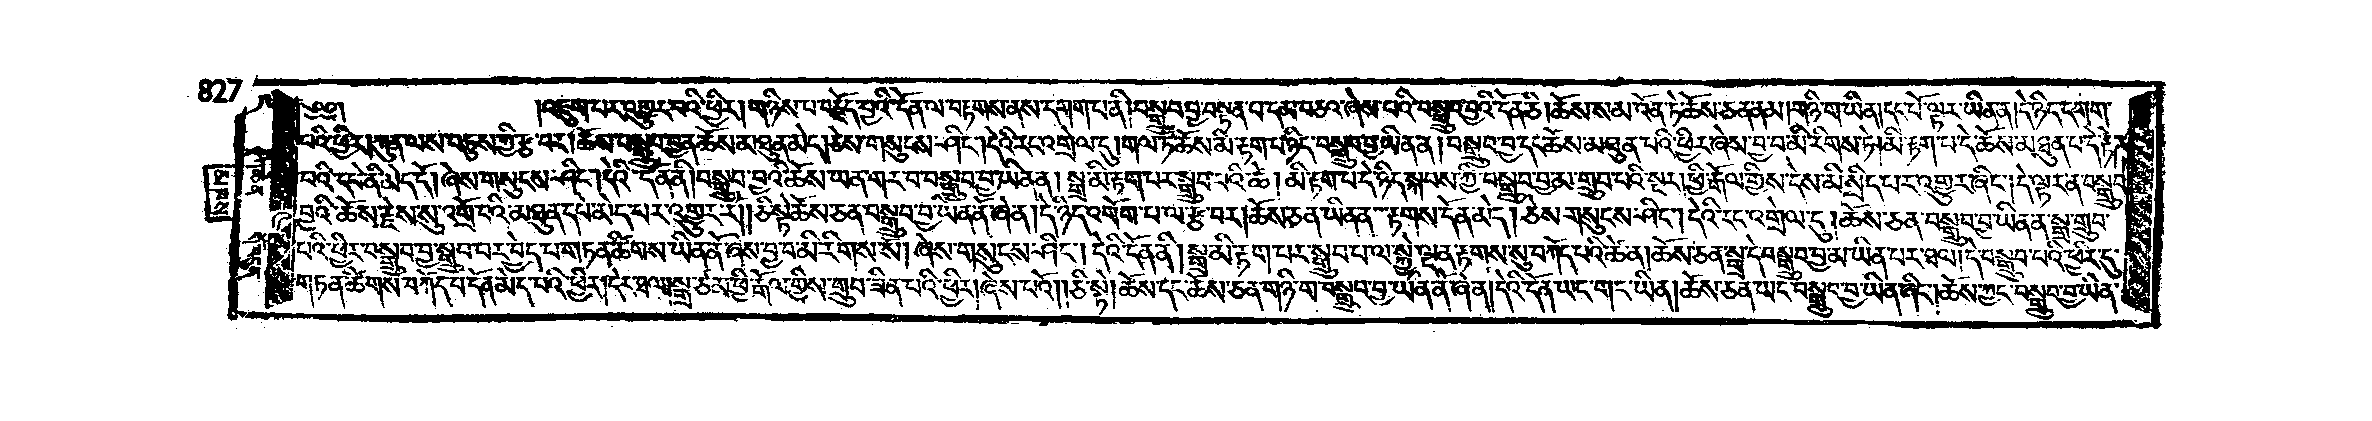༄༅། །འཇུག་པར་འགྱུར་བའི་ཕྱིར། གཉིས་པ་བརྗོད་བྱའི་དོན་ལ་བརྟགས་ནས་དགག་པ་ནི། བསྒྲུབ་བྱ་བསྟན་པ་དམ་བཅའ་ཞེས་པའི་བསྒྲུབ་བྱའི་དོན་ཅི། ཆོས་སམ་འོན་ཏེ་ཆོས་ཅན་ནམ། གཉི་ག་ཡིན། དང་པོ་ལྟར་ཡིན་ན། དེ་ཉིད་དགག་
པའི་ཕྱིར། ཀུན་ལས་བཏུས་ཀྱི་རྩ་བར། ཆོས་བསྒྲུབ་བྱ་ན་ཆོས་མཐུན་མེད། ཅེས་གསུངས་ཤིང་། དེའི་རང་འགྲེལ་དུ། གལ་ཏེ་ཆོས་མི་རྟག་པ་ཉིད་བསྒྲུབ་བྱ་ཡིན་ན། བསྒྲུབ་བྱ་དང་ཆོས་མཐུན་པའི་ཕྱིར་ཞེས་བྱ་བ་མི་རིགས་ཏེ། མི་རྟག་པ་དེ་ཆོས་མཐུན་པ་དེ་རྟོགས་
པའི་དཔེ་ནི་མེད་དོ། ཞེས་གསུངས་ཤིང་། དེའི་དོན་ནི། བསྒྲུབ་བྱའི་ཆོས་ཡན་གར་བ་བསྒྲུབ་བྱ་ཡིན་ན། སྒྲ་མི་རྟག་པར་སྒྲུབ་པའི་ཚེ། མི་རྟག་པ་དེ་ཉིད་སྐབས་ཀྱི་བསྒྲུབ་བྱ་མ་གྲུབ་པའི་སྔར། ཕྱི་རྒོལ་གྱིས་དེས་མི་སྲིད་པར་འགྱུར་ཞིང་། དེ་ལྟར་ན་བསྒྲུབ་
བྱའི་ཆོས་རྗེས་སུ་འགྲོ་བའི་མཐུན་དཔེ་མེད་པར་འགྱུར་རོ། །ཅི་སྟེ་ཆོས་ཅན་བསྒྲུབ་བྱ་ཡིན་ནོ་ཞེ་ན། དེ་ཉིད་འགོག་པ་ལ་རྩ་བར། ཆོས་ཅན་ཡིན་ན་རྟགས་དོན་མེད། ཅེས་གསུངས་ཤིང་། དེའི་རང་འགྲེལ་དུ། ཆོས་ཅན་བསྒྲུབ་བྱ་ཡིན་ན་སྒྲ་གྲུབ་
པའི་ཕྱིར་བསྒྲུབ་བྱ་སྒྲུབ་པར་བྱེད་པ་གཏན་ཚིགས་ཡིན་ནོ་ཞེས་བྱ་བ་མི་རིགས་སོ། ཞེས་གསུངས་ཤིང་། དེའི་དོན་ནི། སྒྲ་མི་རྟག་པར་སྒྲུབ་པ་ལ་སྐྱེ་ལྡན་རྟགས་སུ་བཀོད་པའི་ཚེ་ན། ཆོས་ཅན་སྒྲ་དེ་བསྒྲུབ་བྱ་མ་ཡིན་པར་ཐལ། དེ་བསྒྲུབ་པའི་ཕྱིར་དུ་
གཏན་ཚིགས་བཀོད་པ་དོན་མེད་པའི་ཕྱིར། དེར་ཐལ། སྒྲ་ཙམ་ཕྱི་རྒོལ་གྱིས་གྲུབ་ཟིན་པའི་ཕྱིར། ཞེས་པའོ། །ཅི་སྟེ། ཆོས་དང་ཆོས་ཅན་གཉི་ག་བསྒྲུབ་བྱ་ཡིན་ནོ་ཞེ་ན། དེའི་དོན་ཡང་གང་ཡིན། ཆོས་ཅན་ཡང་བསྒྲུབ་བྱ་ཡིན་ཞིང་། ཆོས་ཀྱང་བསྒྲུབ་བྱ་ཡིན་